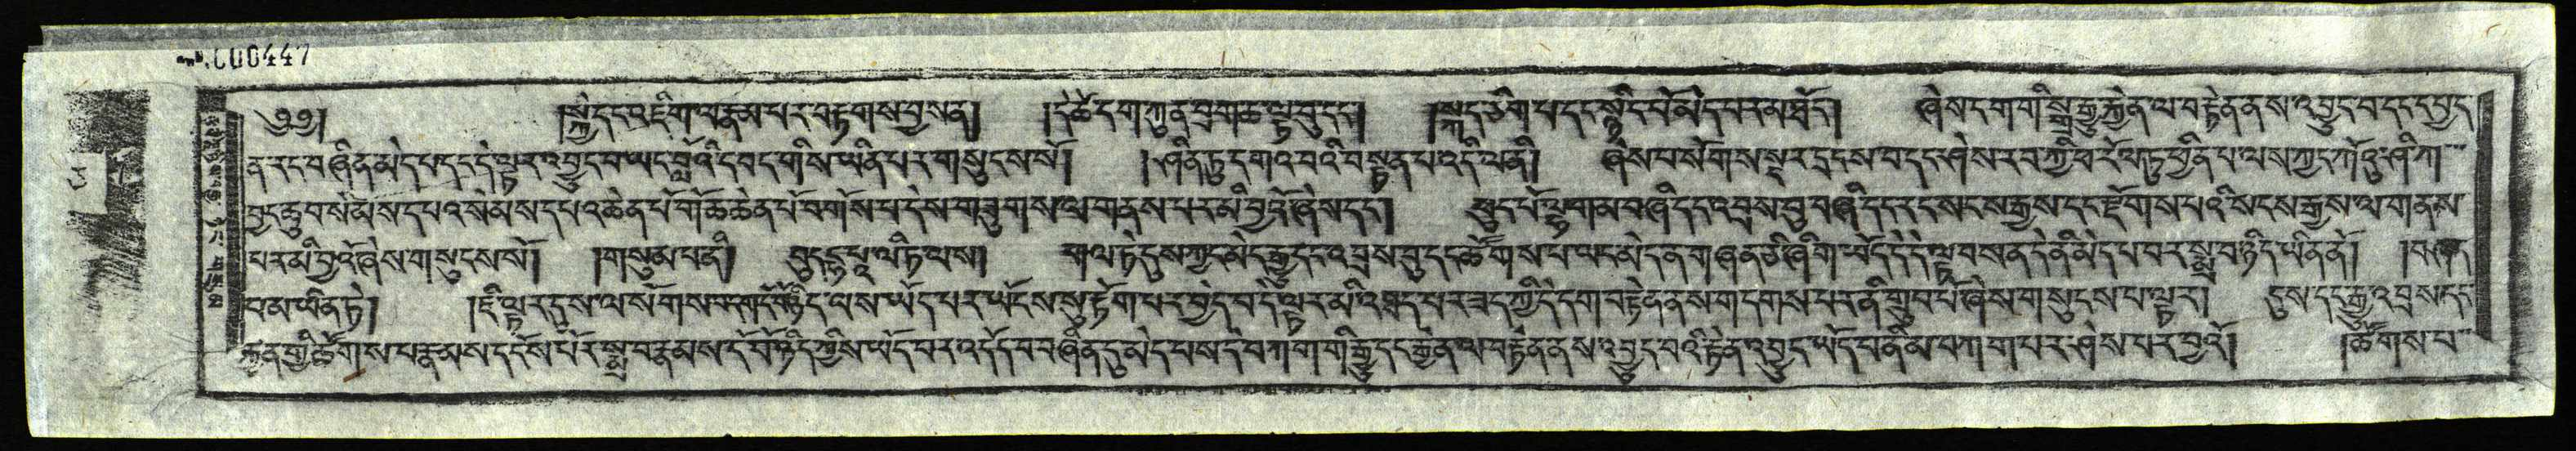༄༅། །སྐྱེ་དང་འཇིག་ལ་རྣམ་པར་བརྟགས་བྱས་ན། །དེ་ཚེ་དག་ཀུན་བྲག་ཆ་ལྟ་བུ་དང་། །སྐད་ཅིག་པ་དང་སྙིང་པོ་མེད་པར་མཐོང་། ཞེས་དག་གི་སྒྲ་རྒྱུ་རྐྱེན་ལ་བརྟེན་ནས་འབྱུང་བ་དང་དཔྱད་
ན་རང་བཞིན་མེད་པ་དང་དེ་ལྟར་འབྱུང་བ་ཡང་བློའི་དབང་གིས་ཡིན་པར་གསུངས་སོ། །ཤིན་ཏུ་དགའ་བའི་བསྟན་པ་འདི་ལ་ནི། ཞེས་པ་སོགས་སྔར་དྲངས་པ་དང་ཤེས་རབ་ཀྱི་ཕ་རོལ་ཏུ་ཕྱིན་པ་ལས་ཀྱང་ཀོའུ་ཤི་ཀ་
བྱང་ཆུབ་སེམས་དཔའ་སེམས་དཔའ་ཆེན་པོ་གོ་ཆ་ཆེན་པོ་བགོས་པ་དེས་གཟུགས་ལ་གནས་པར་མི་བྱའོ་ཞེས་དང་། ཕུང་པོ་ལྷག་མ་བཞི་དང་འབྲས་བུ་བཞི་དང་རང་སངས་རྒྱས་དང་རྫོགས་པའི་སངས་རྒྱས་ལ་གནས་
པར་མི་བྱའོ་ཞེས་གསུངས་སོ། །གསུམ་པ་ནི། བུད་དྷ་པཱ་ལི་ཏ་ལས། གལ་ཏེ་དུས་ཀྱང་མེད་རྒྱུ་དང་འབྲས་བུ་དང་ཚོགས་པ་ཡང་མེད་ན་གཞན་ཅི་ཞིག་ཡོད་དེ་དེ་ལྟ་བས་ན་དེ་ནི་མེད་པ་བར་སྨྲ་བ་ཉིད་ཡིན་ནོ། །བཤད་
པ་མ་ཡིན་ཏེ། །ཇི་ལྟར་དུས་ལ་སོགས་བདག་ངོ་བོ་ཉིད་ལས་ཡོད་པར་ཡོངས་སུ་རྟོག་པར་བྱེད་པ་དེ་ལྟར་མི་འཐད་པར་ཟད་ཀྱི་དེ་དག་བརྟེན་ནས་གདགས་པར་ནི་གྲུབ་པོ་ཞེས་གསུངས་པ་ལྟར། དུས་དང་རྒྱུ་འབྲས་དང་
རྐྱེན་གྱི་ཚོགས་པ་རྣམས་དངོས་པོར་སྨྲ་བ་རྣམས་ངོ་བོ་ཉིད་ཀྱིས་ཡོད་པར་འདོད་པ་བཞིན་དུ་མེད་པས་དེ་བཀག་གི་རྒྱུ་དང་རྐྱེན་ལ་བརྟེན་ནས་འབྱུང་བའི་རྟེན་འབྱུང་ཡོད་པ་ནི་མ་བཀག་པར་ཤེས་པར་བྱའོ། །ཚོགས་པ་